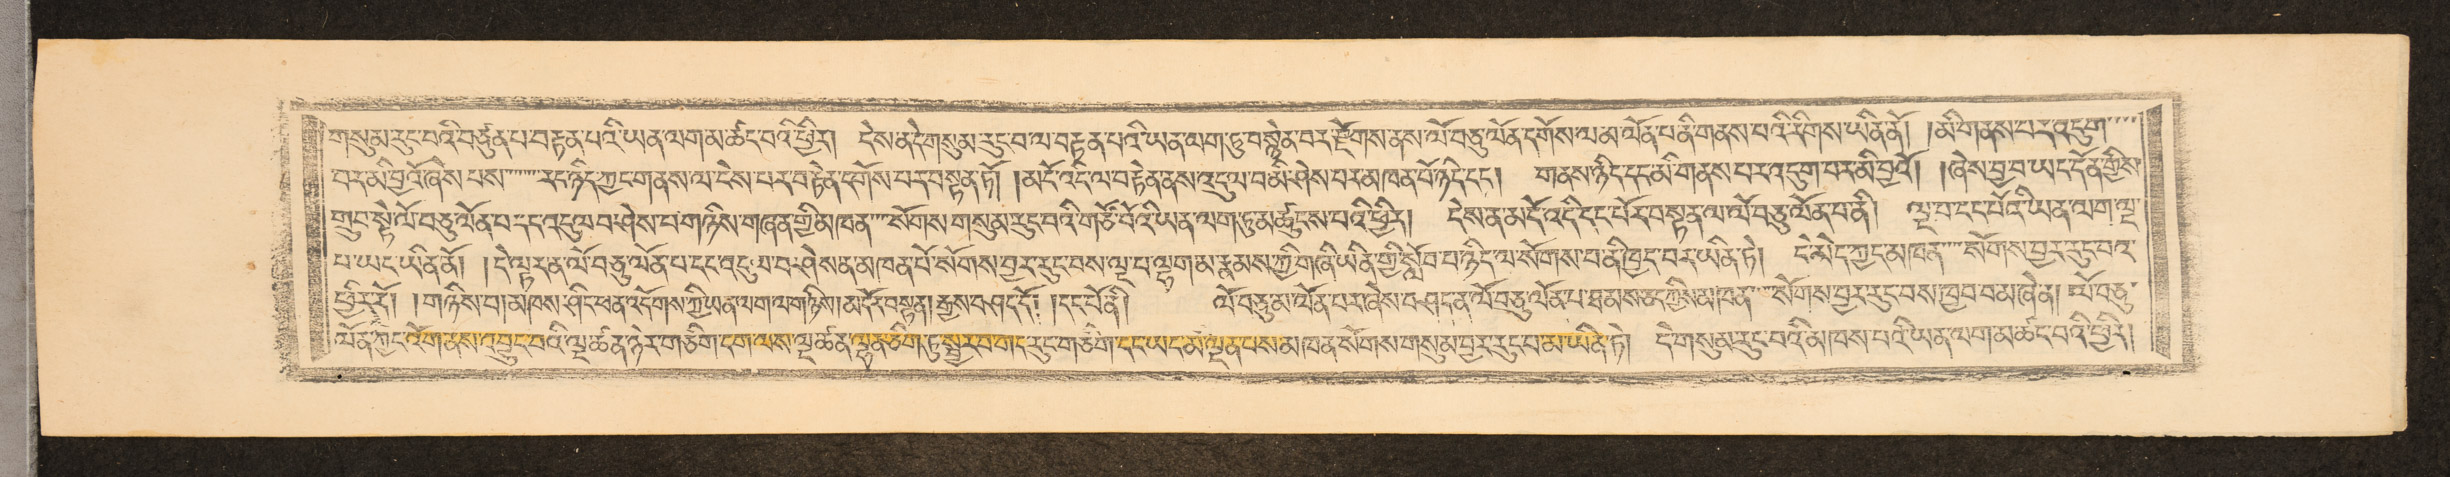གསུམ་རུང་བའི་བཙུན་པ་བརྟན་པའི་ཡན་ལག་མ་ཚང་བའི་ཕྱིར། དེས་ན་དེ་གསུམ་རུང་བ་ལ་བརྟན་པའི་ལན་ལག་ཏུ་བསྙེན་པར་རྫོགས་ནས་ལོ་བཅུ་ལོན་དགོས་ལ་མ་ལོན་པ་ནི་གནས་པའི་རིགས་ཡིན་ནོ། །མི་གནས་པར་འདུག་
པར་མི་བྱའོ་ཞེས་པས་རང་ཉིད་ཀྱང་གནས་ལ་ངེས་པར་བརྟེན་དགོས་པར་བསྟན་ཏོ། །མདོ་འདི་ལ་བརྟེན་ནས་འདུལ་བ་མི་ཤེས་པར་མཁན་པོ་ཉིད་དང་། གནས་ཉིད་དང་མི་གནས་པར་འདུག་པར་མི་བྱའོ། །ཞེས་བྱ་བ་ཡང་དོན་གྱིས་
གྲུབ་སྟེ་ལོ་བཅུ་ལོན་པ་དང་འདུལ་བ་ཤེས་པ་གཉིས་གཞན་གྱི་མཁན་སོགས་གསུམ་རུང་བའི་གཙོ་བོའི་ཡན་ལག་ཏུ་མཚུངས་པའི་ཕྱིར། དེས་ན་མདོ་འདི་དང་པོར་བསྟན་ལ་ལོ་བཅུ་ལོན་པ་ནི། ལྔ་པ་དང་པོའི་ཡན་ལག་ལྔ་
པ་ཡང་ཡིན་ནོ། །དེ་ལྟར་ན་ལོ་བཅུ་ལོན་པ་དང་འདུལ་བ་ཤེས་ན་མཁན་པོ་སོགས་བྱར་རུང་བས་ལྔ་པ་ལྷག་མ་རྣམས་ཀྱི་གཞི་ཡིན་གྱི་སློབ་པ་ཉིད་ལ་སོགས་པ་ནི་ཁྱད་པར་ཡིན་ཏེ། དེ་མེད་ཀྱང་མཁན་སོགས་བྱར་རུང་བའི་
ཕྱིར་རོ། །གཉིས་པ། མཁས་ཤིང་ཕན་འདོགས་ཀྱི་ཡན་ལག་ལ་གཉིས། མདོར་བསྟན། རྒྱས་བཤད་དོ། །དང་པོ་ནི། ལོ་བཅུ་མ་ལོན་པར་ཞེས་བཤད་ན་ལོ་བཅུ་ལོན་པ་ཐམས་ཅད་ཀྱིས་མཁན་སོགས་བྱར་རུང་བས་ཁྱབ་བམ་ཞེ་ན། ལོ་བཅུ་
ལོན་ཀྱང་འོག་ནས་འབྱུང་བའི་ལྔ་ཚན་ཉེར་གཅིག་དག་ལས་ལྔ་ཚན་ལྷན་ཅིག་ཏུ་སྦྱར་བ་གང་རུང་གཅིག་དང་ཡང་མི་ལྡན་པས་མཁན་སོགས་གསུམ་བྱར་རུང་བ་མ་ཡིན་ཏེ། དེ་གསུམ་རུང་བའི་མཁས་པའི་ཡན་ལག་མ་ཚང་བའི་ཕྱིར།